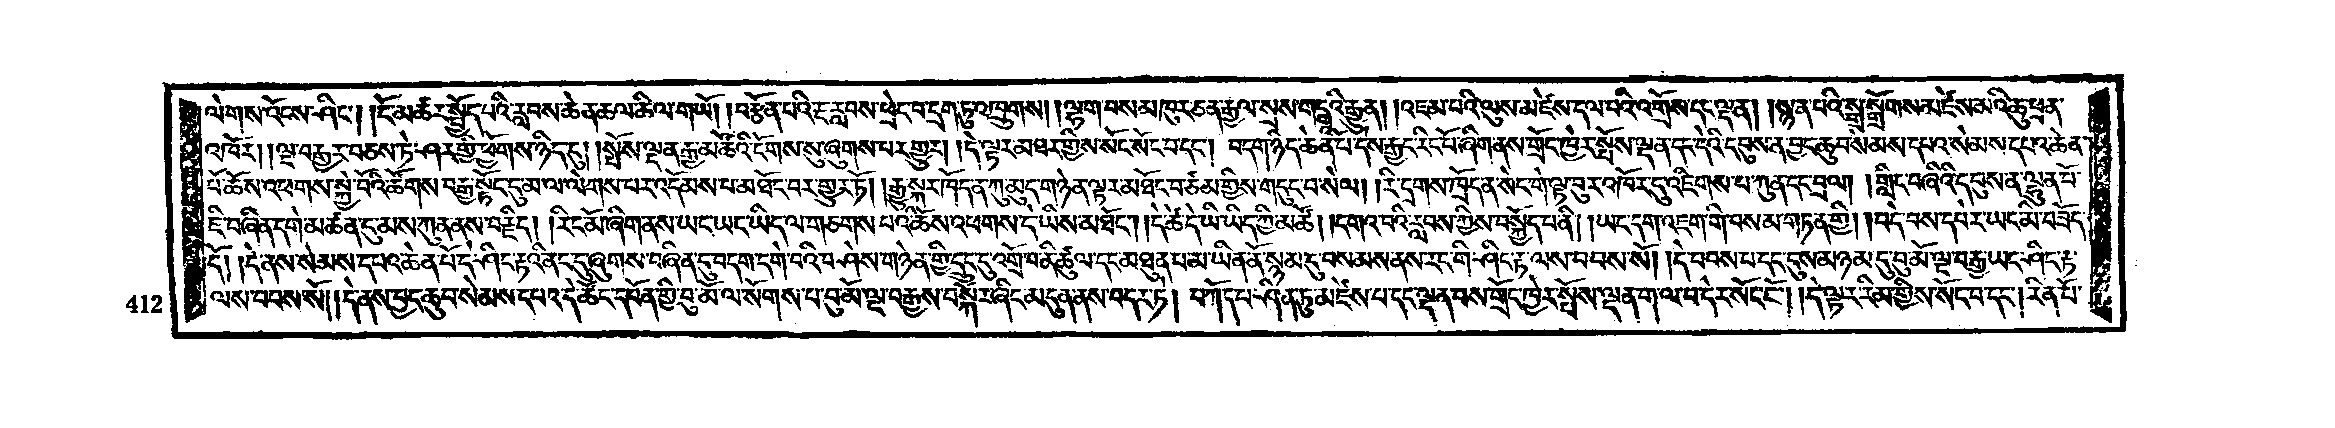ལེགས་འོངས་ཤིང་། །ངོ་མཚར་སྤྱོད་པའི་རླབས་ཆེན་ཆལ་ཆིལ་གཡོ། །བརྩོན་པའི་རྦ་རླབས་ཕྲེང་བ་དྲག་ཏུ་འཁྲུགས། །ལྷག་བསམ་ཁུར་ཅན་རྒྱལ་སྲས་གངྒཱའི་རྒྱུན། །འཇམ་པའི་ལུས་མཛེས་དལ་བའི་འགྲོས་དང་ལྡན། །སྙན་པའི་སྒྲ་སྒྲོགས་མཛེས་མའི་ཆུ་ཕྲན་
འཁོར། །ལྔ་བརྒྱར་བཅས་ཏེ་ཤར་གྱི་ཕྱོགས་ཉིད་དུ། །སྤོས་ལྡན་རྒྱ་མཚོའི་དོགས་སུ་ཞུགས་པར་གྱུར། །དེ་ལྟར་མཐར་གྱིས་སོང་སོང་བ་དང་། བདག་ཉིད་ཆེན་པོ་དེས་རྒྱང་རིང་པོ་ཞིག་ནས་གྲོང་ཁྱེར་སྤོས་ལྡན་དང་དེའི་དབུས་ན་བྱང་ཆུབ་སེམས་དཔའ་སེམས་དཔའ་ཆེན་
པོ་ཆོས་འཕགས་སྐྱེ་བོའི་ཚོགས་བརྒྱ་སྟོང་དུ་མ་ལ་ལེགས་པར་འདོམས་པ་མཐོང་བར་གྱུར་ཏོ། །རྒྱུ་སྐར་ཁྲོད་ན་ཀུ་མུད་གཉེན་ལྟར་མཐོང་བ་ཙམ་གྱིས་གདུང་བ་སེལ། །རི་དྭགས་ཁྲོད་ན་སེང་གེ་ལྟ་བུར་འཁོར་དུ་འཇིགས་པ་ཀུན་དང་བྲལ། །གླིང་བཞིའི་དབུས་ན་ལྷུན་པོ་
ཇི་བཞིན་དགེ་མཚན་དུ་མས་ཀུན་ནས་བརྗིད། །རིང་མོ་ཞིག་ནས་ཡང་ཡང་ཡིད་ལ་གཅགས་པའི་ཆོས་འཕགས་དེ་ཡིས་མཐོང་། །དེ་ཚེ་དེ་ཡི་ཡིད་ཀྱི་མཚོ། །དགའ་བའི་རླབས་ཀྱིས་བསྐྱོད་པ་ནི། །ཡང་དག་འཇོག་གི་བསམ་གཏན་གྱི། །བདེ་བས་དཔེར་ཡང་མི་བཟེད་
དོ། །དེ་ནས་སེམས་དཔའ་ཆེན་པོ་དེ་ཤིང་རྟའི་ནང་དུ་ཞུགས་བཞིན་དུ་བདག་དགེ་བའི་བཤེས་གཉེན་གྱི་དྲུང་དུ་འགྲོ་བ་ནི་ཚུལ་དང་མཐུན་པ་མ་ཡིན་ནོ་སྙམ་དུ་བསམས་ནས་རང་གི་ཤིང་རྟ་ལས་བབས་སོ། །དེ་བབས་པ་དང་དུས་མཉམ་དུ་བུ་མོ་ལྔ་བརྒྱ་ཡང་ཤིང་རྟ་
ལས་བབས་སོ། །དེ་ནས་བྱང་ཆུབ་སེམས་དཔའ་དེ་ཚོང་དཔོན་གྱི་བུ་མོ་ལ་སོགས་པ་བུ་མོ་ལྔ་བརྒྱས་བསྐོར་ཞིང་མདུན་ནས་བདར་ཏེ། བཀོད་པ་ཤིན་ཏུ་མཛེས་པ་དང་ལྡན་པས་གྲོང་ཁྱེར་སྤོས་ལྡན་ག་ལ་པ་དེར་སོང་ངོ། །དེ་ལྟར་རིམ་གྱིས་སོང་བ་དང་། རིན་པོ་